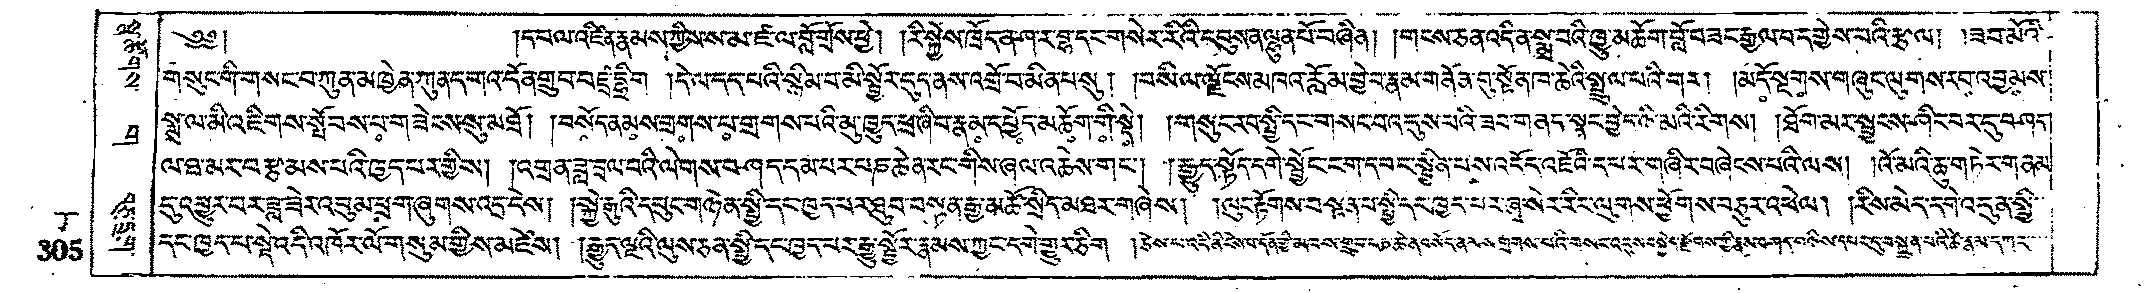༄༅། །དཔལ་འཛིན་རྣམས་ཀྱིས་ས་མ་ཛ་ལ་བློ་གྲོས་ཕྱེ། །རི་སྐྱེས་ཁྲོད་ན་ཤ་ར་བྷ་དང་གསེར་རིའི་དབུས་ན་ལྷུན་པོ་བཞིན། །གངས་ཅན་འདི་ན་སྨྲ་བའི་ཁྱུ་མཆོག་བློ་བཟང་རྒྱལ་བ་དགྱེས་པའི་རྩལ། །ཟབ་མོའི་
གསུང་གི་གསང་བ་ཀུན་མཁྱེན་ཀུན་དགའ་དོན་གྲུབ་བཛྲ་དྷྲིག །དེ་ལ་དད་པའི་སྙིམ་པ་མི་སྦྱོར་དུད་ནས་འགྲོ་བ་མིན་པ་སུ། །བསིལ་ལྗོངས་མཁའ་རློམ་བྱེ་བ་རྣམ་གནོན་བུ་སྟོན་ཁ་ཆེའི་སྤྲུལ་པའི་གར། །མདོ་སྔགས་གཞུང་ལུགས་རབ་འབྱམས་
སྨྲ་ལ་མི་འཇིགས་སྤོབས་པ་གཟེངས་སུ་མཐོ། །བསོད་ནམས་གྲགས་པ་གྲགས་པའི་མུ་ཁྱུད་ཕྲ་ཞིབ་རྣམ་དཔྱོད་མཆོག་གི་སྡེ། །གསུང་རབ་སྤྱི་དང་གསང་བ་འདུས་པའི་ཟབ་གནད་སྣང་བྱེད་ཉི་མའི་རིགས། །ཐོག་མར་སྦྱངས་ཤིང་བར་དུ་བཤད་
ལ་ཐ་མར་བརྩམས་པའི་ཁྱད་པར་གྱིས། །འགྲན་ཟླ་བའི་ལེགས་བཤད་དམ་པར་པཎ་ཆེན་རང་གིས་ཞལ་འཆིས་གང་། །རྒྱུད་སྟོད་དགེ་སྦྱོང་ངག་དབང་སྦྱིན་པས་འདོད་འཇོའི་དཔར་གཞིར་བཞེངས་པའི་ལས། །འོ་མའི་ཆུ་གཏེར་གནམ་
དུ་འཕྱུར་བར་ཟླ་ཟེར་འབུམ་ཕྲག་ཞུགས་འདྲ་དེས། །སྐྱེ་རྒུའི་དཔུང་གཉེན་སྤྱི་དང་ཁྱད་པར་ཐུག་བསྟན་རྒྱ་མཚོ་སྲིད་མཐར་གཞེས། །ལུང་རྟོགས་བསྟན་པ་སྤྱི་དང་ཁྱད་པར་ཞྭ་སེར་རིང་ལུགས་ཕྱོགས་བཅུར་འཕེལ། །རིས་མེད་དགེ་འདུན་སྤྱི་་་
དང་ཁྱད་པ་སྡེ་འདི་འཁོར་ལོ་གསུམ་གྱིས་མཛེས། །རྒྱུད་ལྔའི་ལུས་ཅན་སྤྱི་དང་ཁྱད་པར་རྒྱུ་སྦྱོར་རྣམས་ཀྱང་དགེ་གྱུར་ཅིག །ཅེས་པ་འདི་ནི་ངེས་པ་དོན་གྱི་མཁས་གྲུབ་པཎ་ཆེན་བསོད་ནམས་གྲགས་པའི་གསང་འདུས་བསྐྱེད་རྫོགས་ཀྱི་རྣམ་བཤད་གཉིས་དཔར་དུ་བསྐྲུན་པའི་ཚེ་རྣམ་དཀར་་་